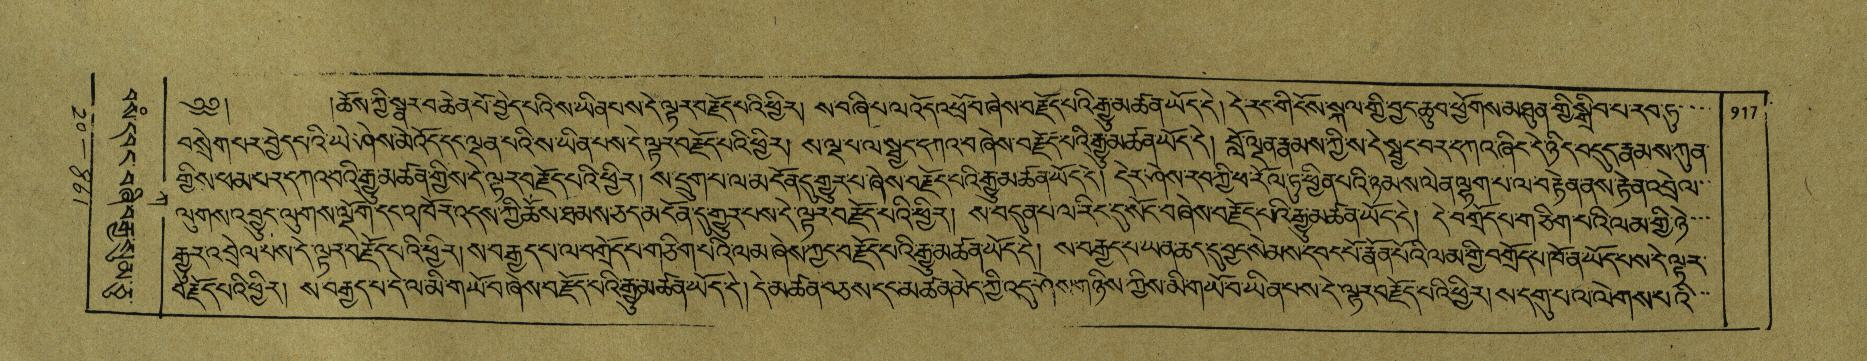༄༅། །ཆོས་ཀྱི་སྣར་བ་ཆེན་པོ་བྱེད་པའི་ས་ཡིན་པས་དེ་ལྟར་བརྗོད་པའི་ཕྱིར། ས་བཞི་པ་ལ་འོད་འཕྲོ་བ་ཞེས་བརྗོད་པའི་རྒྱུ་མཚན་ཡོད་དེ། དེ་རང་གི་ངོས་སྐལ་གྱི་བྱང་ཆུབ་ཕྱོགས་མཐུན་གྱི་སྒྲིབ་པ་རབ་ཏུ་
བསྲེག་པར་བྱེད་པའི་ཡེ་ཤེས་མེ་འོད་དང་ལྡན་པའི་ས་ཡིན་པས་དེ་ལྟར་བརྗོད་པའི་ཕྱིར། ས་ལྔ་པ་ལ་སྦྱང་དཀའ་བ་ཞེས་བརྗོད་པའི་རྒྱུ་མཚན་ཡོད་དེ། བློ་ལྡན་རྣམས་ཀྱི་ས་དེ་སྦྱང་བར་དཀའ་ཞིང་དེ་ཉིད་བདུད་རྣམས་ཀུན་
གྱིས་ཕམ་པར་དཀའ་བའི་རྒྱུ་མཚན་གྱིས་དེ་ལྟར་བརྗོད་པའི་ཕྱིར། ས་དྲུག་པ་ལ་མངོན་དུ་གྱུར་པ་ཞེས་བརྗོད་པའི་རྒྱུ་མཚན་ཡོད་དེ། དེར་ཤེས་རབ་ཀྱི་ཕ་རོལ་ཏུ་ཕྱིན་པའི་ཉམས་ལེན་ལྷག་པ་ལ་བརྟེན་ནས་རྟེན་འབྲེལ་
ལུགས་འབྱུང་ལུགས་ལྡོག་དང་འཁོར་འདས་ཀྱི་ཆོས་ཐམས་ཅད་མངོན་དུ་གྱུར་པས་དེ་ལྟར་བརྗོད་པའི་ཕྱིར། ས་བདུན་པ་ལ་རིང་དུ་སོང་བཞེས་བརྗོད་པའི་རྒྱུ་མཚན་ཡོང་དེ། དེ་བགྲོད་པ་གཅིག་པའི་ལམ་གྱི་ཉེ་
རྒྱུར་འབྲེལ་པས་དེ་ལྟར་བརྗོད་པའི་ཕྱིར། ས་བརྒྱད་པ་ལ་བགྲོད་པ་གཅིག་པའི་ལམ་ཞེས་ཀྱང་བརྗོད་པའི་རྒྱུ་མཚན་ཡོད་དེ། ས་བརྒྱད་པ་ཡན་ཆད་དུ་བྱང་སེམས་དབང་པོ་རྣོན་པོའི་ལམ་གྱི་བགྲོད་པ་ཁོ་ན་ཡོད་པས་དེ་ལྟར་
བརྗོད་པའི་ཕྱིར། ས་བརྒྱད་པ་དེ་ལ་མི་གཡོ་བ་ཞེས་བརྗོད་པའི་རྒྱུ་མཚན་ཡོད་དེ། དེ་མཚན་བཅས་དང་མཚན་མེད་ཀྱི་འདུ་ཤེས་གཉིས་ཀྱིས་མི་གཡོ་བ་ཡིན་པས་དེ་ལྟར་བརྗོད་པའི་ཕྱིར། ས་དགུ་པ་ལ་ལེགས་པའི་